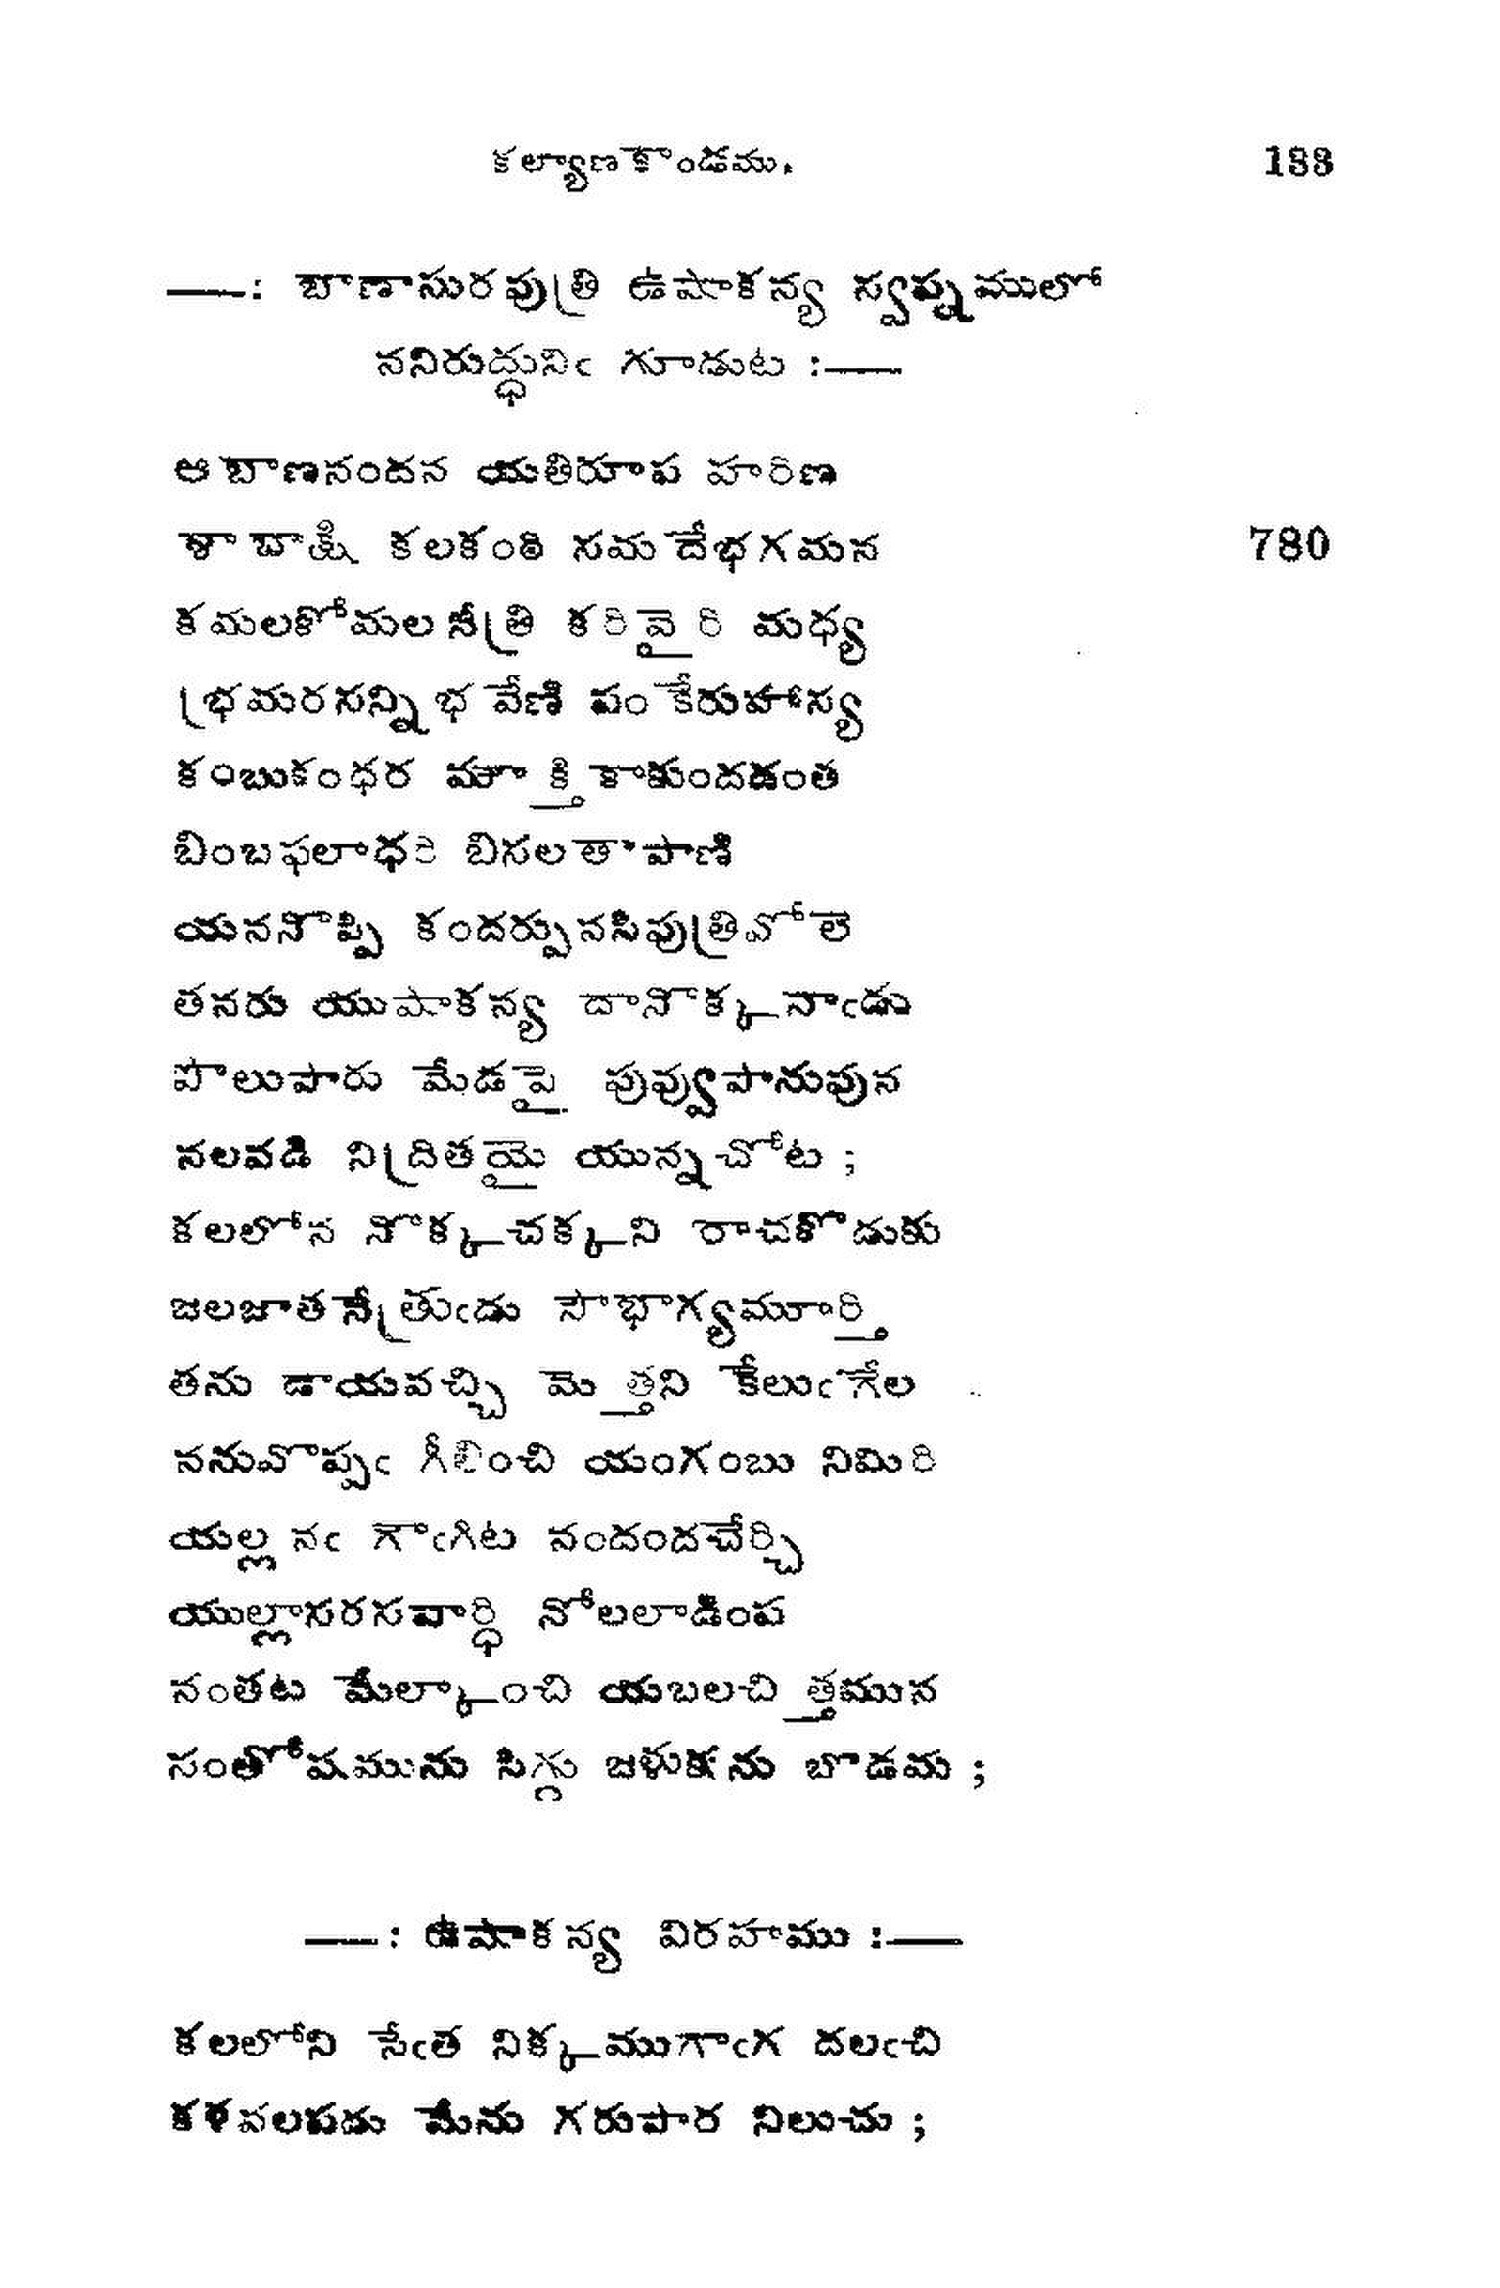ఆ బాణనందన యతిరూప హరిణ
శాబాక్షి కలకంఠి సమదేభగమన
కమలకోమలనేత్రి కరివైరి మధ్య 
భ్రమరసన్నిభ వేణి పంకేరుహాస్య
కంబుకంధర మౌక్తికాకుందదంత
బింబఫలాధరి బిసలతాపాణి
యననొప్పి కందర్పునసిపుత్రివోలె
తనరు యుషాకన్య దానొక్కనాఁడు
పొలుపారు మేడపై పువ్వుపానుపున
నలవడి నిద్రితయై యున్నచోట; 
కలలోన నొక్క చక్కని రాచకొడుకు
జలజాతనేత్రుఁడు సౌభాగ్యమూర్తి
తను డాయవచ్చి మెత్తని కేలుఁగేల
ననువొప్పఁ గీలించి యంగంబు నిమిరి
యల్లనఁ గౌఁగిట నందందచేర్చి
యుల్లాసరసవార్ధి నోలలాడింప
నంతట మేల్కాంచి యబల చిత్తమున
సంతోషమును సిగ్గు జళుకును బొడమ; 

కలలోని సేఁత నిక్కముగాఁగ దలఁచి
కళవలపడు మేను గరుపార నిలుచు;